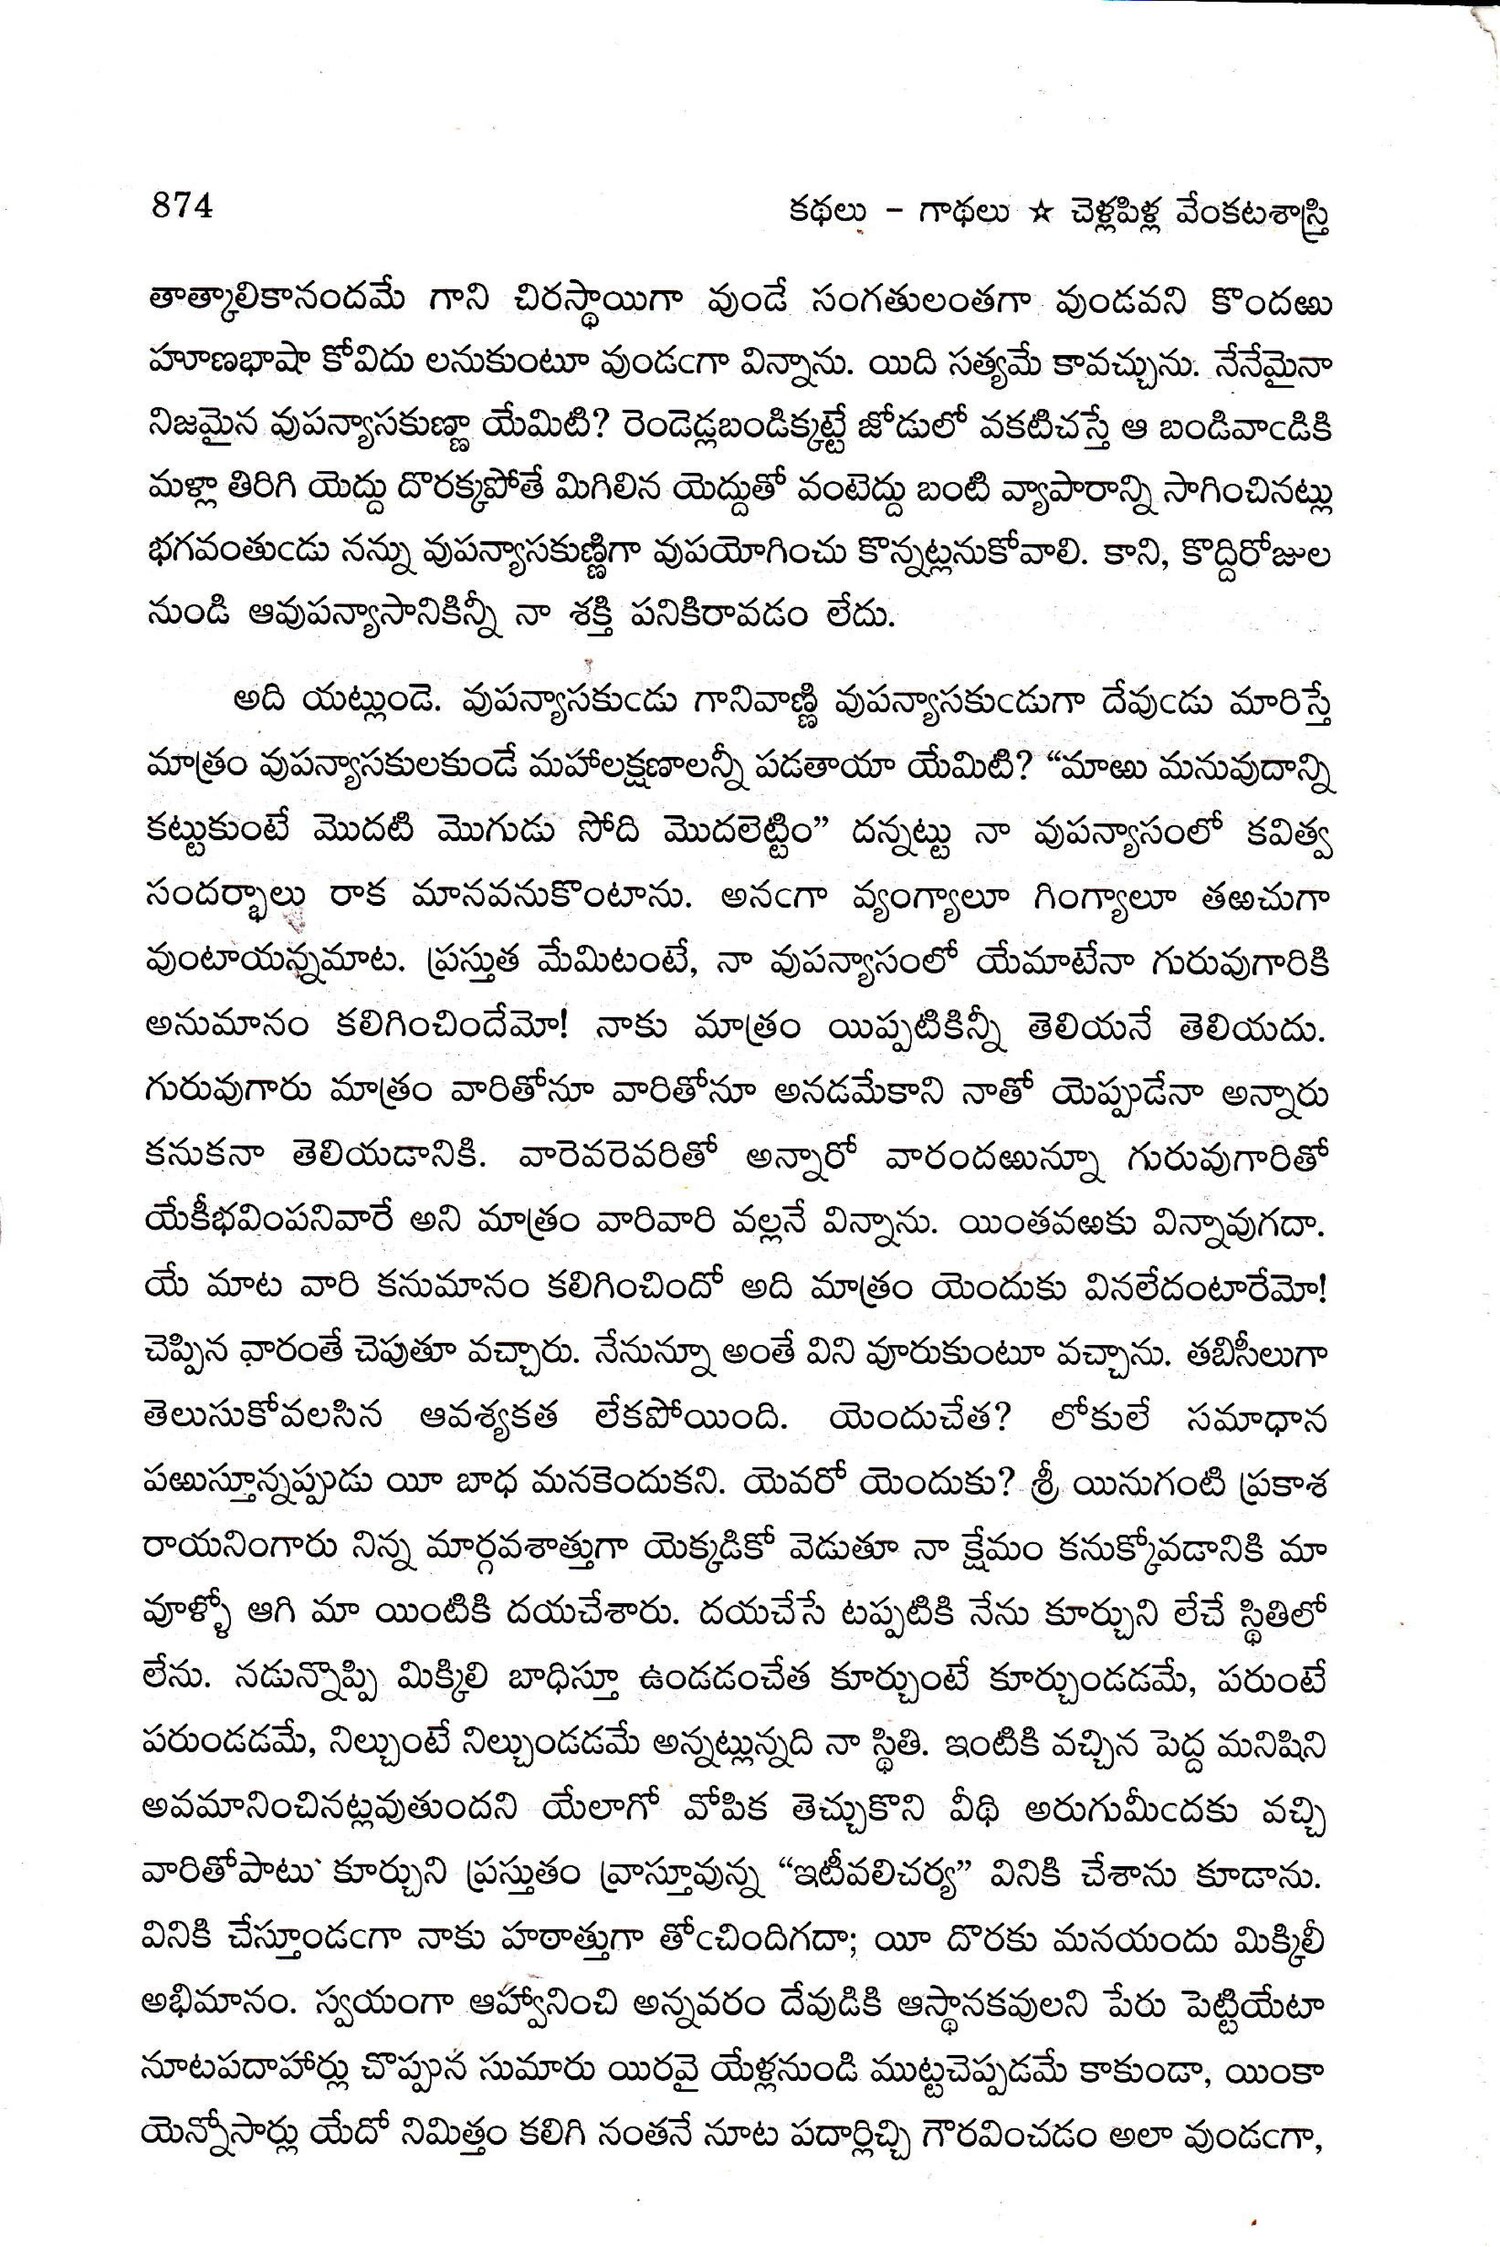తాత్కాలికానందమే గాని చిరస్థాయిగా వుండే సంగతులంతగా వుండవని కొందఱు హూణభాషా కోవిదు లనుకుంటూ వుండఁగా విన్నాను. యిది సత్యమే కావచ్చును. నేనేమైనా నిజమైన వుపన్యాసకుణ్ణా యేమిటి? రెండెడ్లబండిక్కట్టే జోడులో వకటిచస్తే ఆ బండివాఁడికి మళ్లా తిరిగి యెద్దు దొరక్కపోతే మిగిలిన యెద్దుతో వంటెద్దు బంటి వ్యాపారాన్ని సాగించినట్లు భగవంతుఁడు నన్ను వుపన్యాసకుణ్ణిగా వుపయోగించు కొన్నట్లనుకోవాలి. కాని, కొద్దిరోజుల నుండి ఆవుపన్యాసానికిన్నీ నా శక్తి పనికిరావడం లేదు.

అది యట్లుండె, వుపన్యాసకుఁడు గానివాణ్ణి వుపన్యాసకుఁడుగా దేవుఁడు మారిస్తే మాత్రం వుపన్యాసకులకుండే మహాలక్షణాలన్నీ పడతాయా యేమిటి? “మాఱు మనువుదాన్ని కట్టుకుంటే మొదటి మొగుడు సోది మొదలెట్టిం" దన్నట్టు నా వుపన్యాసంలో కవిత్వ సందర్భాలు రాక మానవనుకొంటాను. అనఁగా వ్యంగ్యాలూ గింగ్యాలూ తఱచుగా వుంటాయన్నమాట. ప్రస్తుత మేమిటంటే, నా వుపన్యాసంలో యేమాటేనా గురువుగారికి అనుమానం కలిగించిందేమో! నాకు మాత్రం యిప్పటికిన్నీ తెలియనే తెలియదు. గురువుగారు మాత్రం వారితోనూ వారితోనూ అనడమేకాని నాతో యెప్పుడేనా అన్నారు కనుకనా తెలియడానికి. వారెవరెవరితో అన్నారో వారందఱున్నూ గురువుగారితో యేకీభవింపనివారే అని మాత్రం వారివారి వల్లనే విన్నాను. యింతవఱకు విన్నావుగదా. యే మాట వారి కనుమానం కలిగించిందో అది మాత్రం యెందుకు వినలేదంటారేమో! చెప్పిన వారంతే చెపుతూ వచ్చారు. నేనున్నూ అంతే విని వూరుకుంటూ వచ్చాను. తబిసీలుగా తెలుసుకోవలసిన ఆవశ్యకత లేకపోయింది. యెందుచేత? లోకులే సమాధాన పఱుస్తూన్నప్పుడు యీ బాధ మనకెందుకని. యెవరో యెందుకు? శ్రీ యినుగంటి ప్రకాశ రాయనింగారు నిన్న మార్గవశాత్తుగా యెక్కడికో వెడుతూ నా క్షేమం కనుకోవడానికి మా వూళ్ళో ఆగి మా యింటికి దయచేశారు. దయచేసే టప్పటికి నేను కూర్చుని లేచే స్థితిలో లేను. నడున్నొప్పి మిక్కిలి బాధిస్తూ ఉండడంచేత కూర్చుంటే కూర్చుండడమే, పరుంటే పరుండడమే, నిల్చుంటే నిల్చుండడమే అన్నట్లున్నది నా స్థితి. ఇంటికి వచ్చిన పెద్ద మనిషిని అవమానించినట్లవుతుందని యేలాగో వోపిక తెచ్చుకొని వీథి అరుగుమీఁదకు వచ్చి వారితోపాటు కూర్చుని ప్రస్తుతం వ్రాస్తూవున్న "ఇటీవలిచర్య" వినికి చేశాను కూడాను. వినికి చేస్తూండఁగా నాకు హఠాత్తుగా తోఁచిందిగదా; యీ దొరకు మనయందు మిక్కిలీ అభిమానం. స్వయంగా ఆహ్వానించి అన్నవరం దేవుడికి ఆస్థానకవులని పేరు పెట్టియేటా నూటపదాహార్లు చొప్పున సుమారు యిరవై యేళ్లనుండి ముట్టచెప్పడమే కాకుండా, యింకా యెన్నోసార్లు యేదో నిమిత్తం కలిగి నంతనే నూట పదార్లిచ్చి గౌరవించడం అలా వుండఁగా,